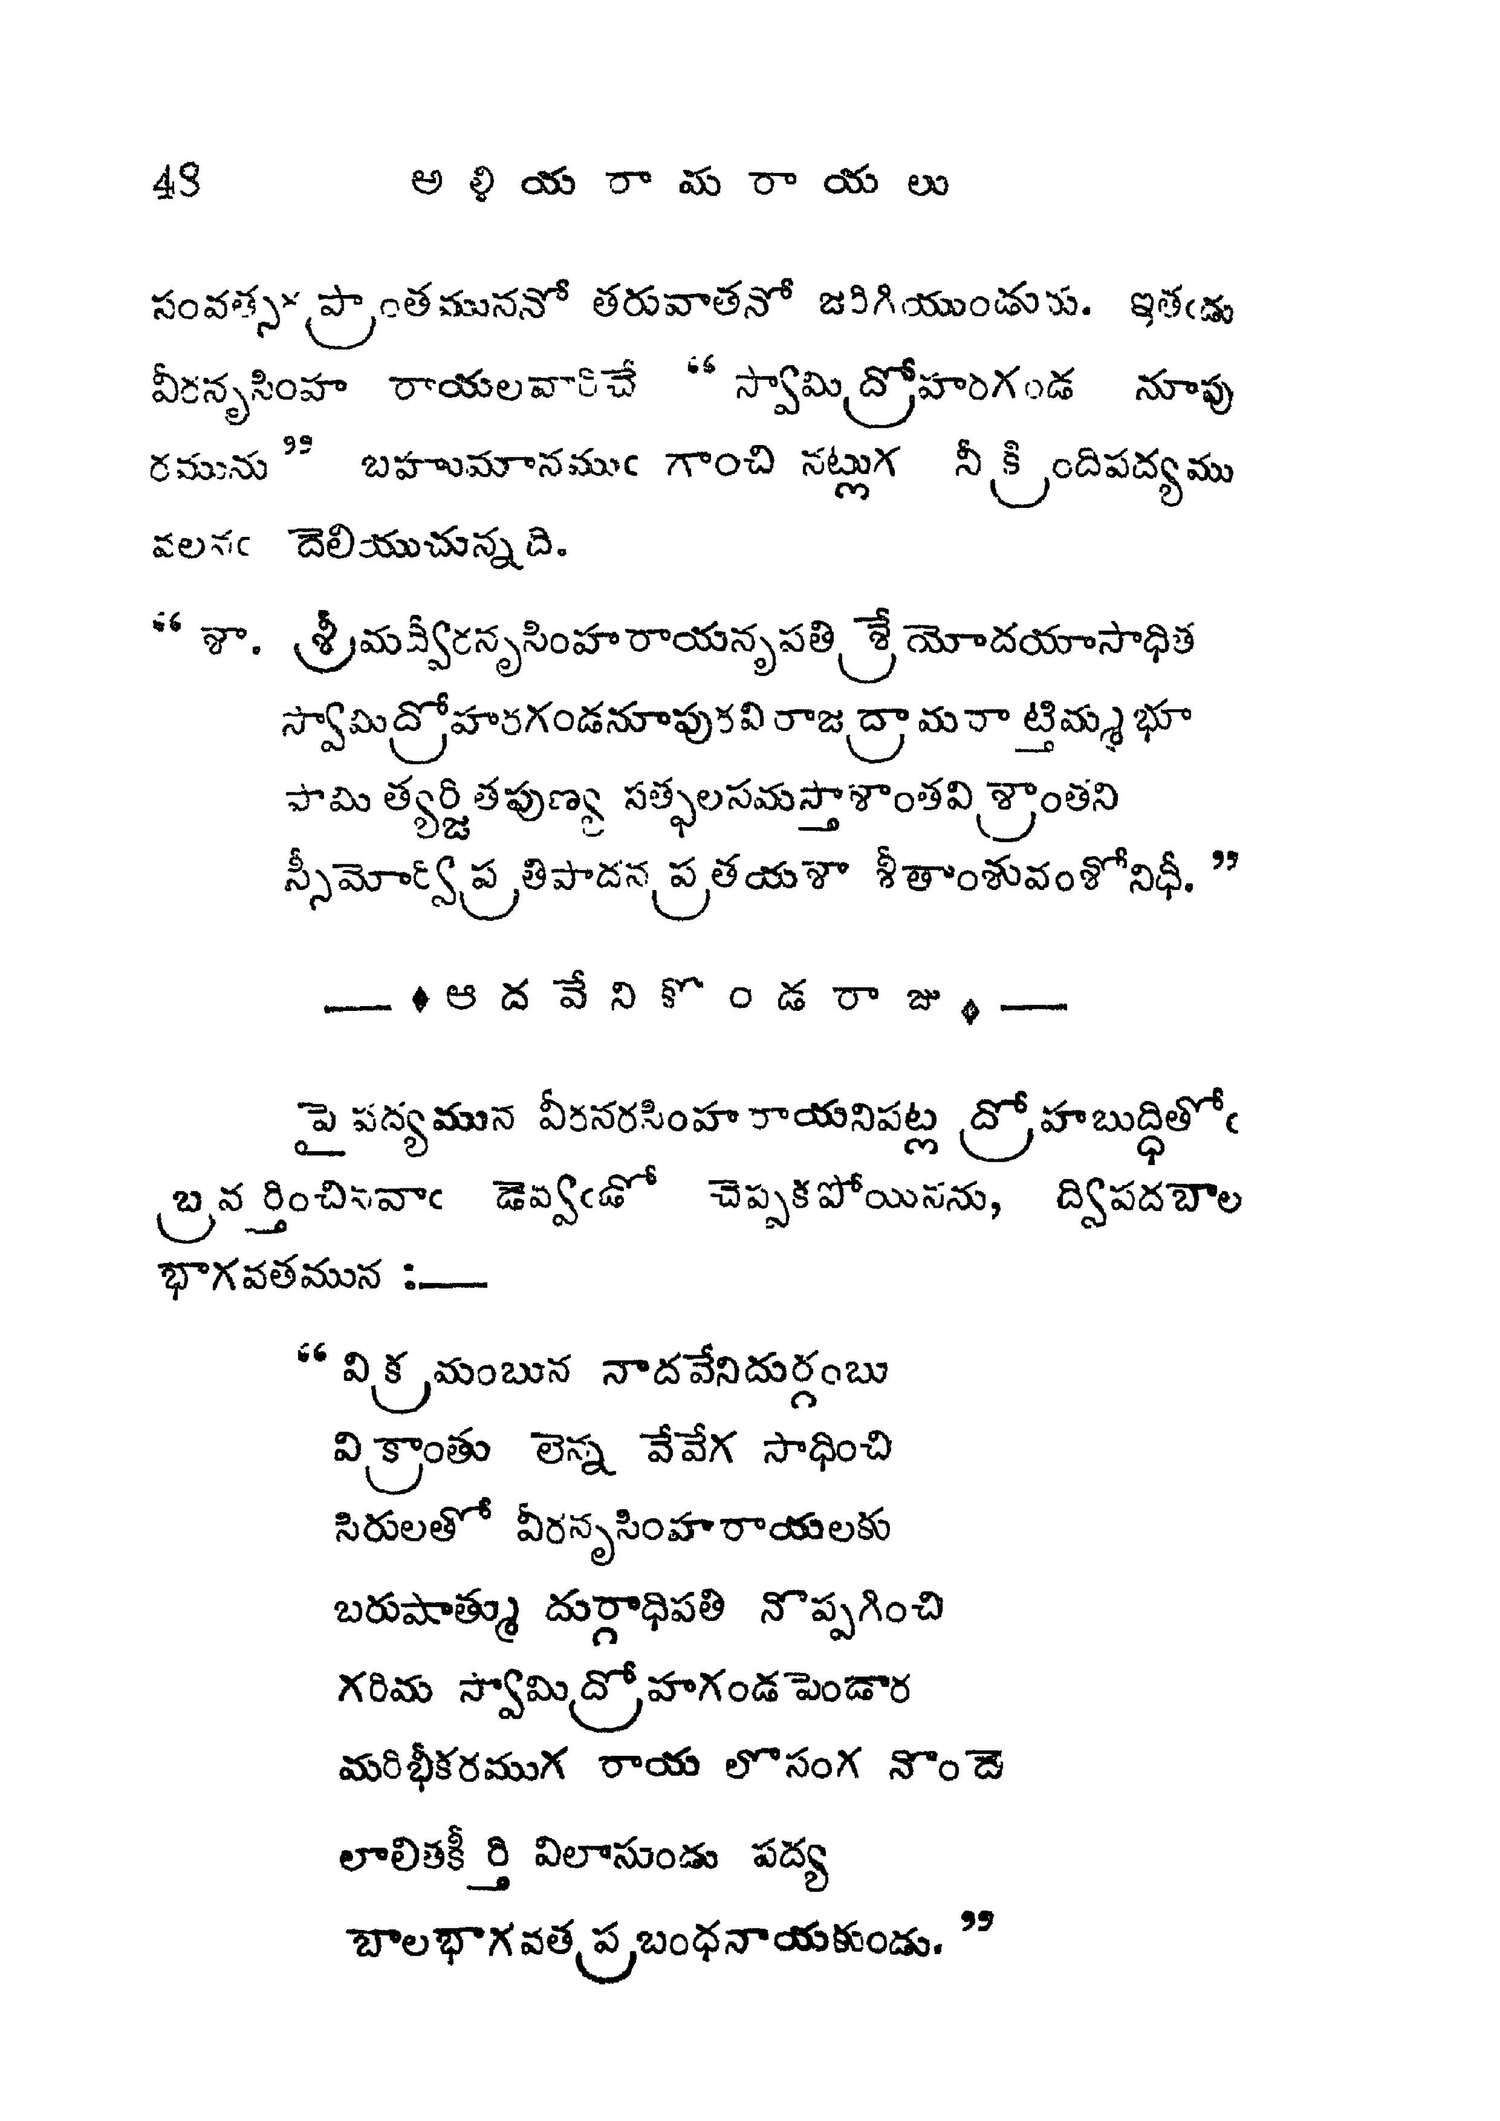సంవత్సరప్రాంతముననో తరువాతనో జరిగియుండును. ఇతడు వీరనృసింహ రాయలవారిచే "స్వామిద్రోహరగండ నూపురమును" బహుమానము గాంచి నట్లుగ నీక్రిందిపద్యము వలన దెలియుచున్నది.

 "శా. శ్రీమద్వీరనృసింహరాయనృపతిశ్రేయోదయాసాధిత
 స్వామిద్రోహరగండనూపురవిరాజద్రామరాట్తిమ్మభూ
 పామిత్యర్జితపుణ్య సత్ఫలసమస్తాశాంతవిశ్రాంతని
 స్సీమోర్యిప్రతిపాదనప్రతయశా శీతాంశువంశోనిధీ."

పైపద్యమున వీరనృసింహరాయనిపట్ల ద్రోహబుద్ధితో బ్రవర్తించినవా డెవ్వడో చెప్పకపోయినను, ద్విపదబాల భాగవతమున:-

 "విక్రమంబున నాదవేనిదుర్గంబు
 విక్రాంతు లెన్న వేవేగ సాధించి
 సిరులతో వీరనృసింహరాయలకు
 బరుషాత్ము దుర్గాధిపతి నొప్పగించి
 గరిమ స్వామిద్రోహగండపెండార
 మరిభీకరముగ రాయ లొసంగ నొందె
 లాలితకీర్తి విలాసుండు పద్య
 బాలభాగవతప్రబంధనాయకుండు."